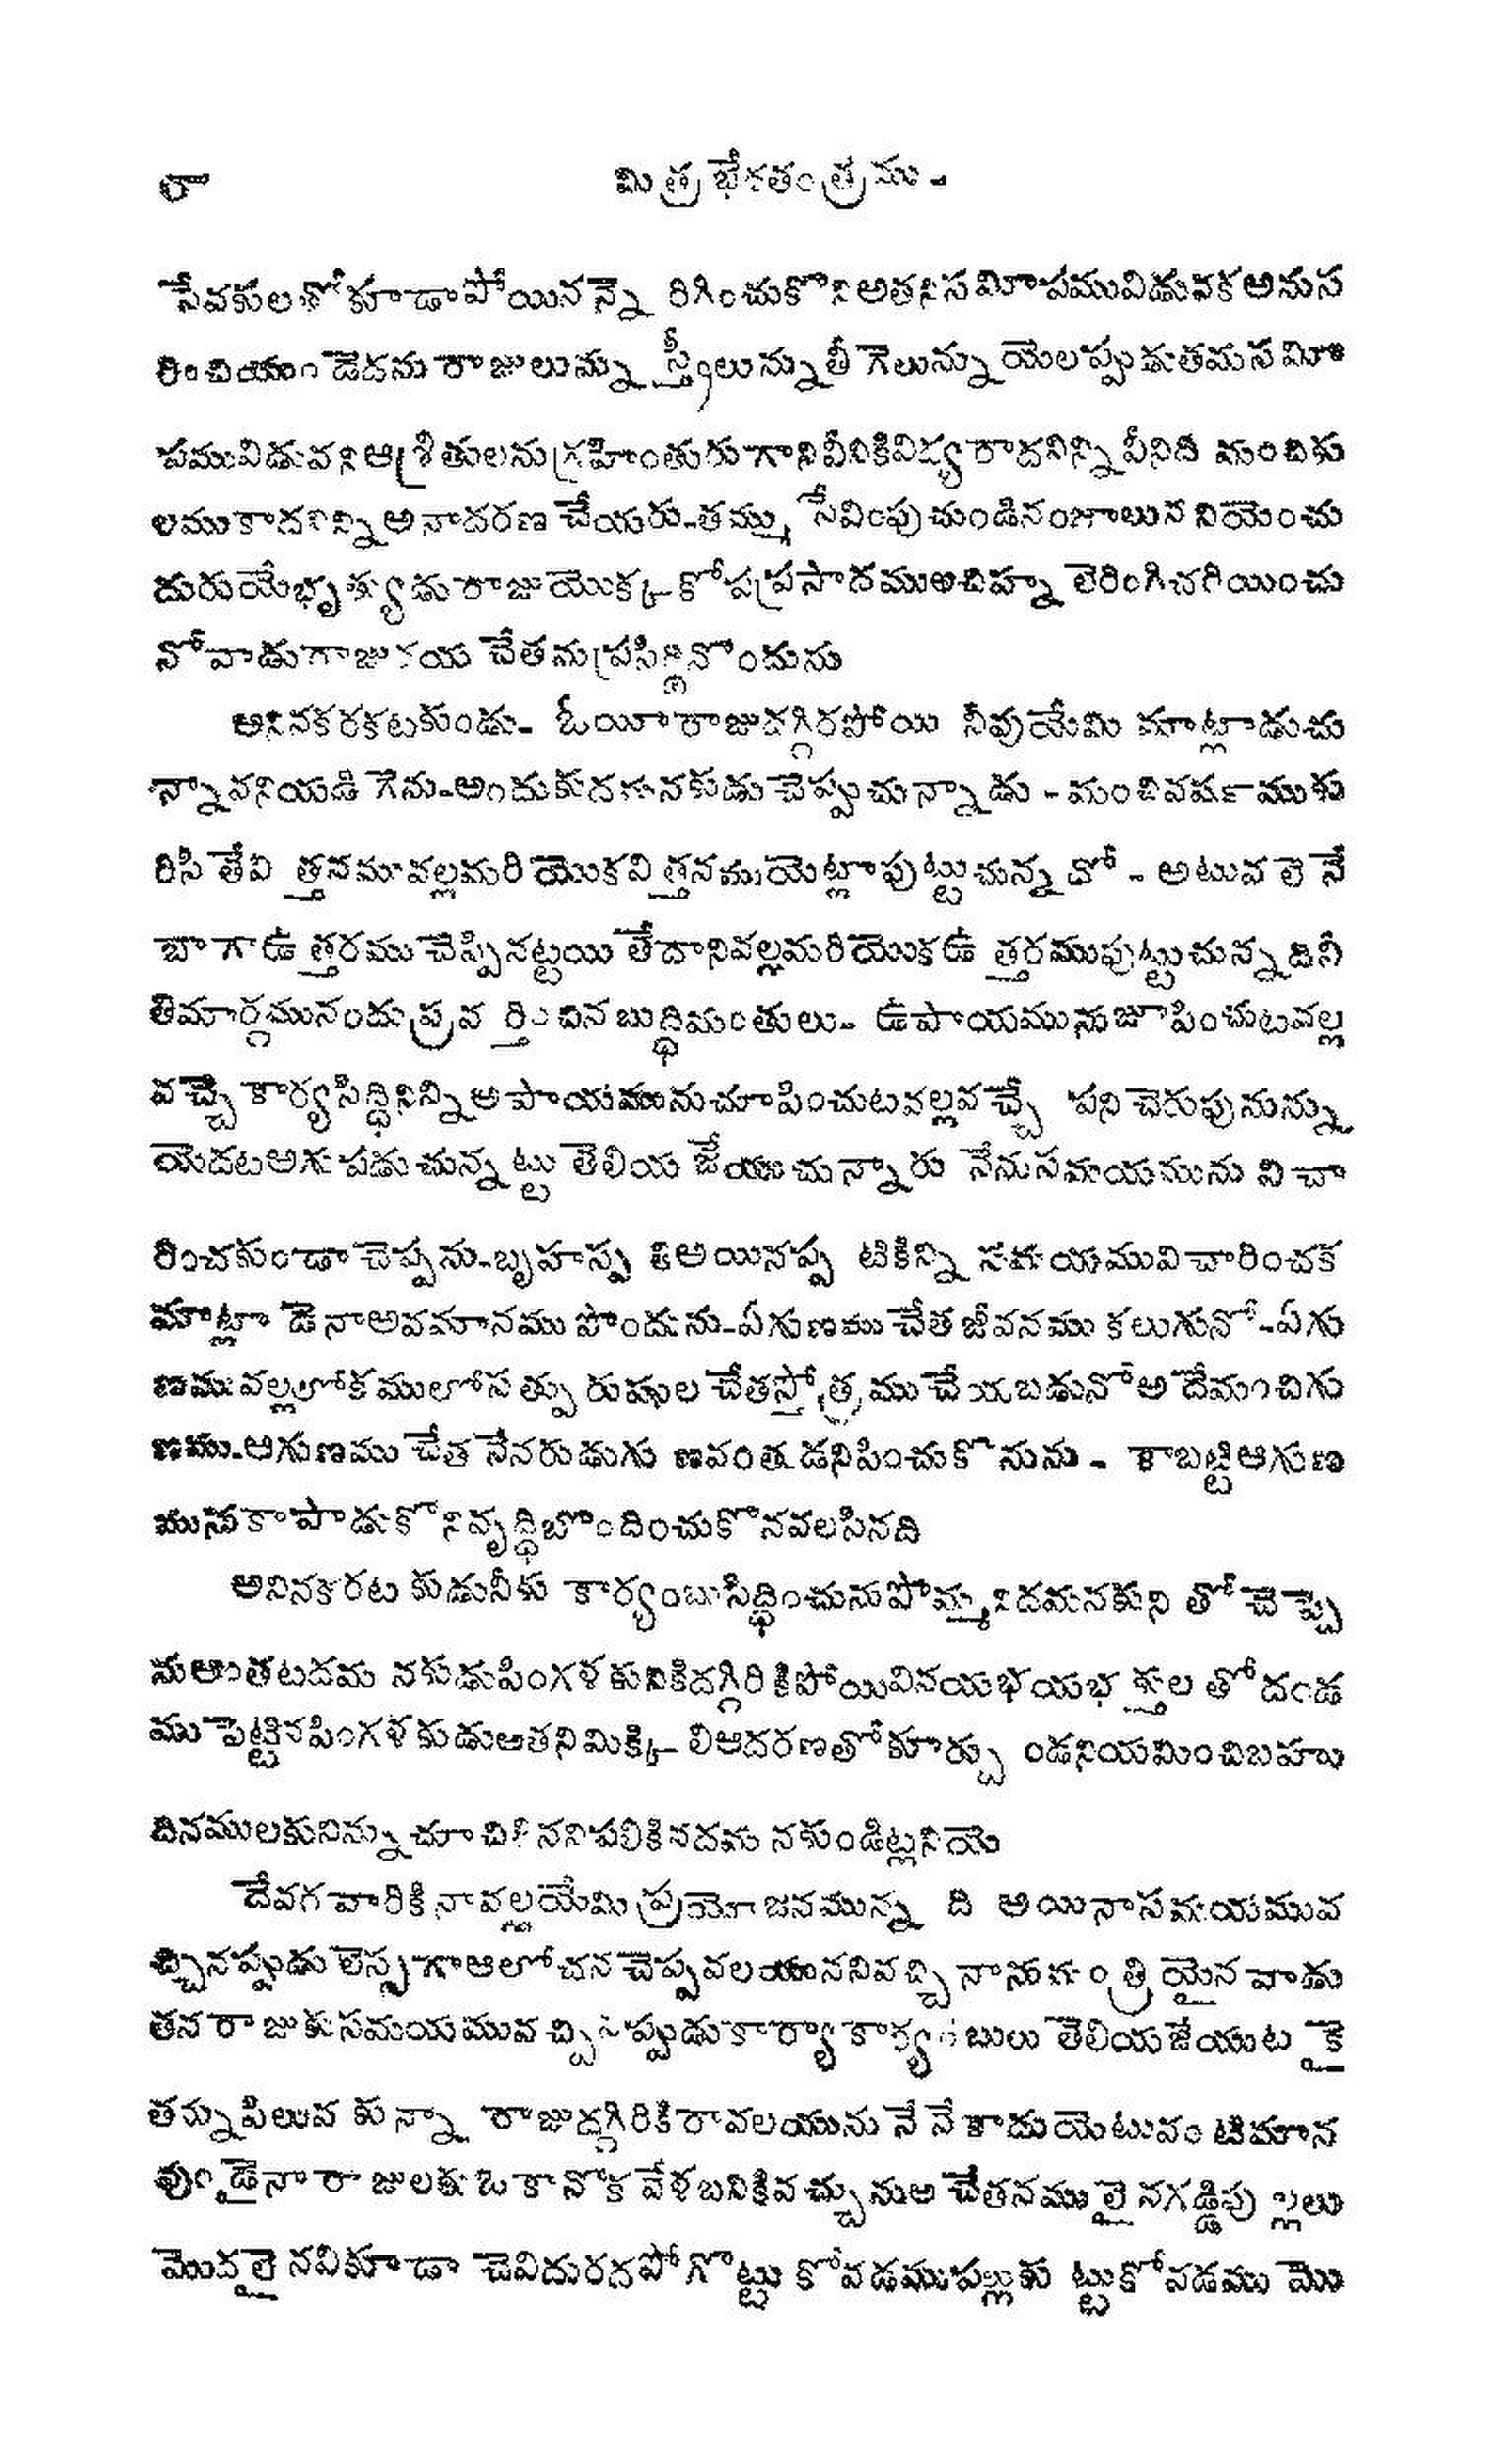సేవకులతోకూడా పోయి న న్నెరిగించుకొని అతనిసమీపము విడువక అనుసరించియుండెదను. రాజులున్ను స్త్రీలున్ను తీగెలున్ను యెల్లప్పుడు తమసమీపము విడువనిఆశ్రితులను గ్రహింతురు గాని వీనికి విద్య రాదనిన్ని వీనిది మంచికులము కాదనిన్ని అనాదరణ చేయరు. తమ్ము సేవింపుచుండినంజాలునని యెంచుదురు.యేభృత్యుడు రాజుయొక్క కోపప్రసాదములచిహ్న లెరింగి చరియించునో వాడు రాజుదయచేతను ప్రసిద్ధి నొందును.

అనిన కరకటకుండు - ఓయీ రాజుదగ్గిర పోయి నీవు యేమి మాట్లాడుచున్నా వని యడిగెను. అందుకు దమనకుడు చెప్పుచున్నాడు. మంచివర్షము కురిసితే విత్తనమువల్ల మరియొకనిత్తనము యెట్లా పుట్టుచున్నచో - అటువలెనే బాగాఉత్తరము చెప్పినట్టయితే దానివల్ల మరియొకఉ త్తరము పుట్టుచున్నది. నీతిమార్గమునందు ప్రవర్తించిన బుద్ధిమంతులు ఉపాయమును జూపించుటవల్ల వచ్చే కార్యసిద్ధినిన్ని అపాయమును చూపించుటవల్ల వచ్చే పనిచెరుపునున్ను యెదట అగుపడుచున్నట్టు తెలియజేయుచున్నారు. నేను సమయమును విచారించకుండా చెప్పను. బృహస్పతి అయినప్పటికిన్ని సమయము విచారించక మాట్లాడెనా అవమానము పొందును. ఏగుణముచేత జీవనము కలుగునో ఏగుణమువల్ల లోకములో సత్పురుషులచేత స్తోత్రము చేయబడునో అదే మంచిగుణము. ఆగుణముచేతనే నరుడు గుణవంతు డనిపించుకొనును. కాబట్టి ఆగుణమునుకాపాడుకొని వృద్ధిపొందించుకొనవలసినది.

అనిన కరటకుడు నీకు కార్యంబు సిద్ధించును పొమ్మని దమనకునితో చెప్పెను. అంతట దమనకుడు పింగళకువికిదగ్గిరికి పోయి వినయభయభక్తులతో దండము పెట్టిన పింగళకుడు అతని మిక్కిలిఆదరణతో కూర్చుండ నియమించి బహుదినములకు నిన్ను చూచితినని పలికిన దమనకుం డిట్లనియె.

దేవరవారికి నావల్ల యేమి ప్రయోజనమున్నది. అయినా సమయము వచ్చినప్పుడు లెస్సగా ఆలోచన చెప్పవలయునని వచ్చినాను. మంత్రి యైనవాడు తనరాజుకు సమయము వచ్చినప్పుడు కార్యాకార్యంబులు తెలియజేయుటకై తన్ను పిలువకున్నా రాజుదగ్గరికి రావలయును. నేనే కాదు యెటువంటిమానవ్యుడైనా రాజులకు ఒకానొకవేళ బనికివచ్చును. అచేతనములైనగడ్డిపుల్లలు మొదలైనవికూడా చెవిదురద పోగొట్టుకోవడము పల్లు కుట్టుకోవడము మొ